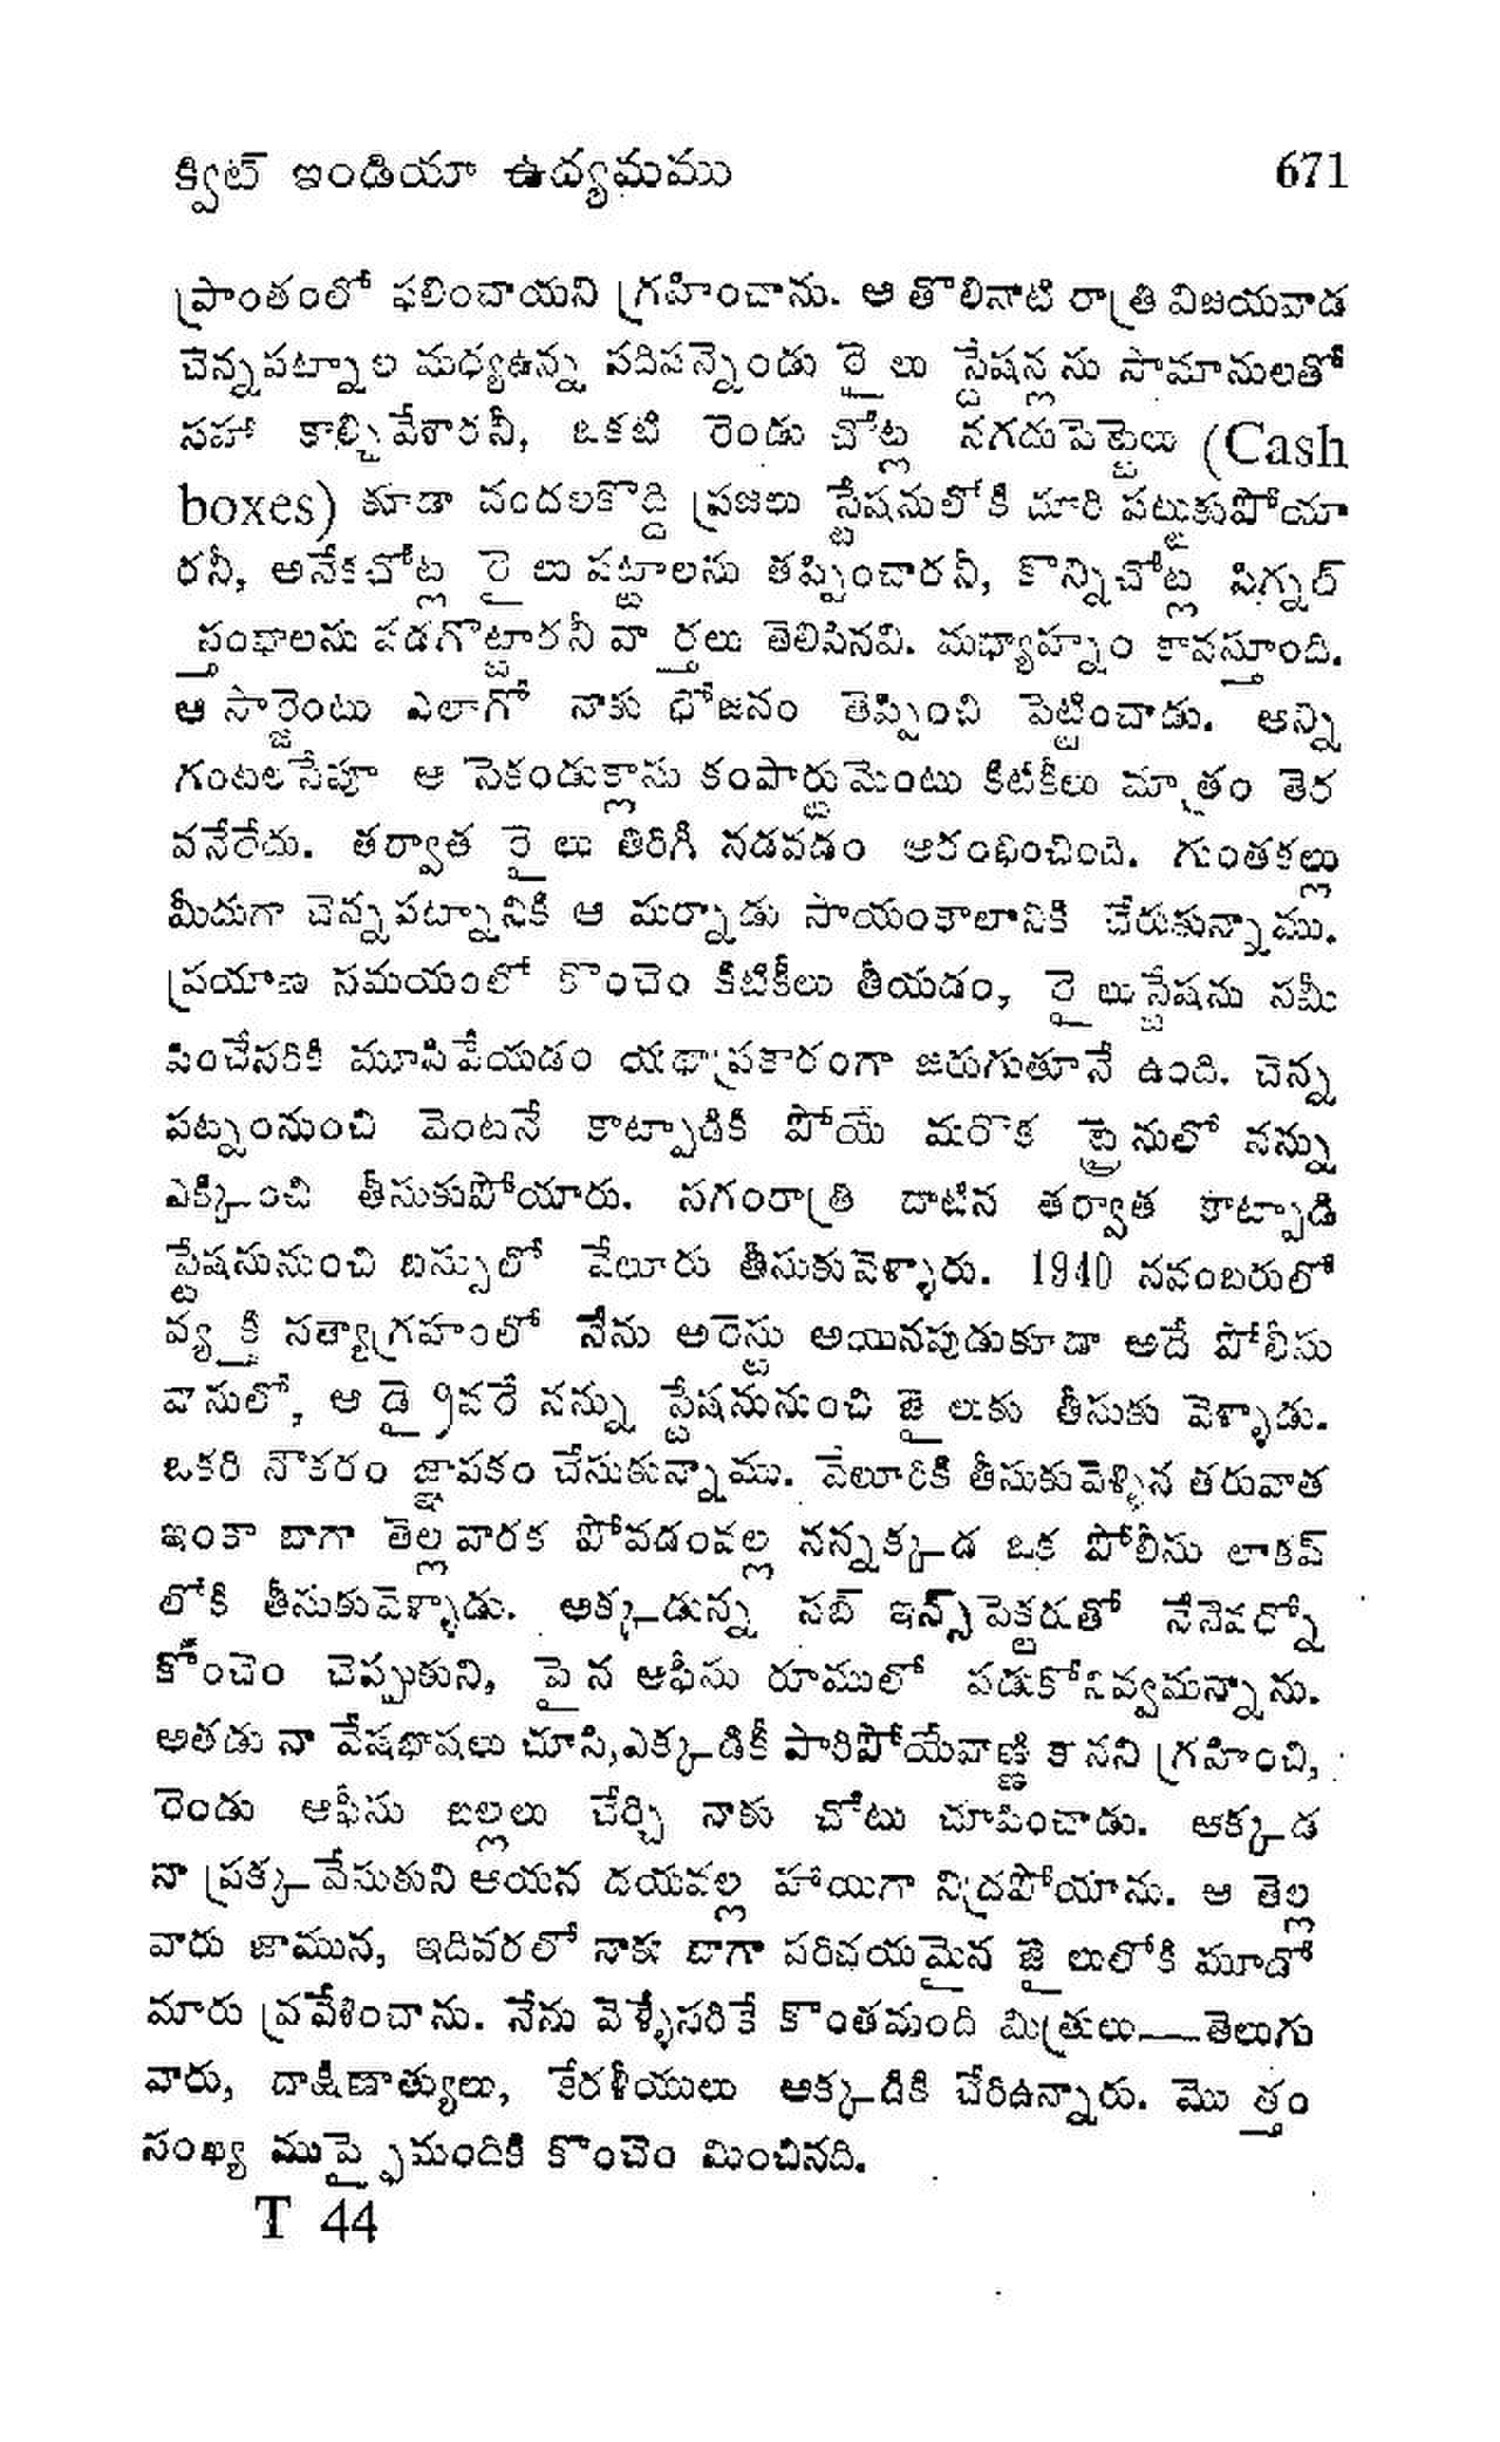ప్రాంతంలో ఫలించాయని గ్రహించాను. ఆ తొలినాటి రాత్రి విజయవాడ చెన్నపట్నాల మధ్య ఉన్న పదిపన్నెండు రైలు స్టేషన్లను సామానులతో సహా కాల్చివేశారనీ, ఒకటి రెండు చోట్ల నగదుపెట్టెలు (Cash Boxes) కూడా వందలకొద్ది ప్రజలు స్టేషనులోకి దూరి పట్టుకుపోయారనీ, అనేకచోట్ల రైలు పట్టాలను తప్పించారనీ, కొన్నిచోట్ల సిగ్నల్ స్టంభాలను పడగొట్టారనీ వార్తలు తెలిసినవి. మధ్యాహ్నం కావస్తూంది. ఆ సార్జెంటు ఎలాగో నాకు భోజనం తెప్పించి పెట్టించాడు. అన్ని గంటలసేపూ ఆ సెకండుక్లాసు కంపార్టుమెంటు కిటికీలు మాత్రం తెరవనేలేదు. తర్వాత రైలు తిరిగీ నడవడం ఆరంభించింది. గుంతకల్లు మీదుగా చెన్నపట్నానికి ఆ మర్నాడు సాయంకాలానికి చేరుకున్నాము. ప్రయాణ సమయంలో కొంచెం కిటికీలు తీయడం, రైలుస్టేషను సమీపించేసరికి మూసివేయడం యథాప్రకారంగా జరుగుతూనే ఉంది. చెన్నపట్నంనుంచి వెంటనే కాట్పాడికి పోయే మరొక ట్రైనులో నన్ను ఎక్కించి తీసుకుపోయారు. సగంరాత్రి దాటిన తర్వాత కాట్పాడి స్టేషనునుంచి బస్సులో వేలూరు తీసుకువెళ్ళారు. 1940 నవంబరులో వ్యక్తి సత్యాగ్రహంలో నేను అరెస్టు అయినపుడుకూడా అదే పోలీసువానులో, ఆ డ్రైవరే నన్ను స్టేషనునుంచి జైలుకు తీసుకు వెళ్ళాడు. ఒకరి నొకరం జ్ఞాపకం చేసుకున్నాము. వేలూరికి తీసుకువెళ్ళిన తరువాత ఇంకా బాగా తెల్లవారక పోవడంవల్ల నన్నక్కడ ఒక పోలీసు లాకప్‌లోకి తీసుకువెళ్ళాడు. అక్కడున్న సబ్ ఇన్స్‌పెక్టరుతో నేనవర్నో కొంచెం చెప్పుకుని, పైన ఆఫీసు రూములో పడుకోనివ్వమన్నాను. అతడు నా వేషభాషలు చూసి, ఎక్కడికీ పారిపోయేవాణ్ణి కానని గ్రహించి, రెండు ఆఫీసు బల్లలు చేర్చి నాకు చోటు చూపించాడు. అక్కడ నా ప్రక్కవేసుకుని ఆయన దయవల్ల హాయిగా నిద్రపోయాను. ఆ తెల్లవారు జామున, ఇదివరలో నాకు బాగా పరిచయమైన జైలులోకి మూడోమారు ప్రవేశించాను. నేను వెళ్ళేసరికే కొంతమంది మిత్రులు - తెలుగువారు, దాక్షిణాత్యులు, కేరళీయులు అక్కడికి చేరిఉన్నారు. మొత్తం సంఖ్య ముప్పై మందికి కొంచెం మించినది.